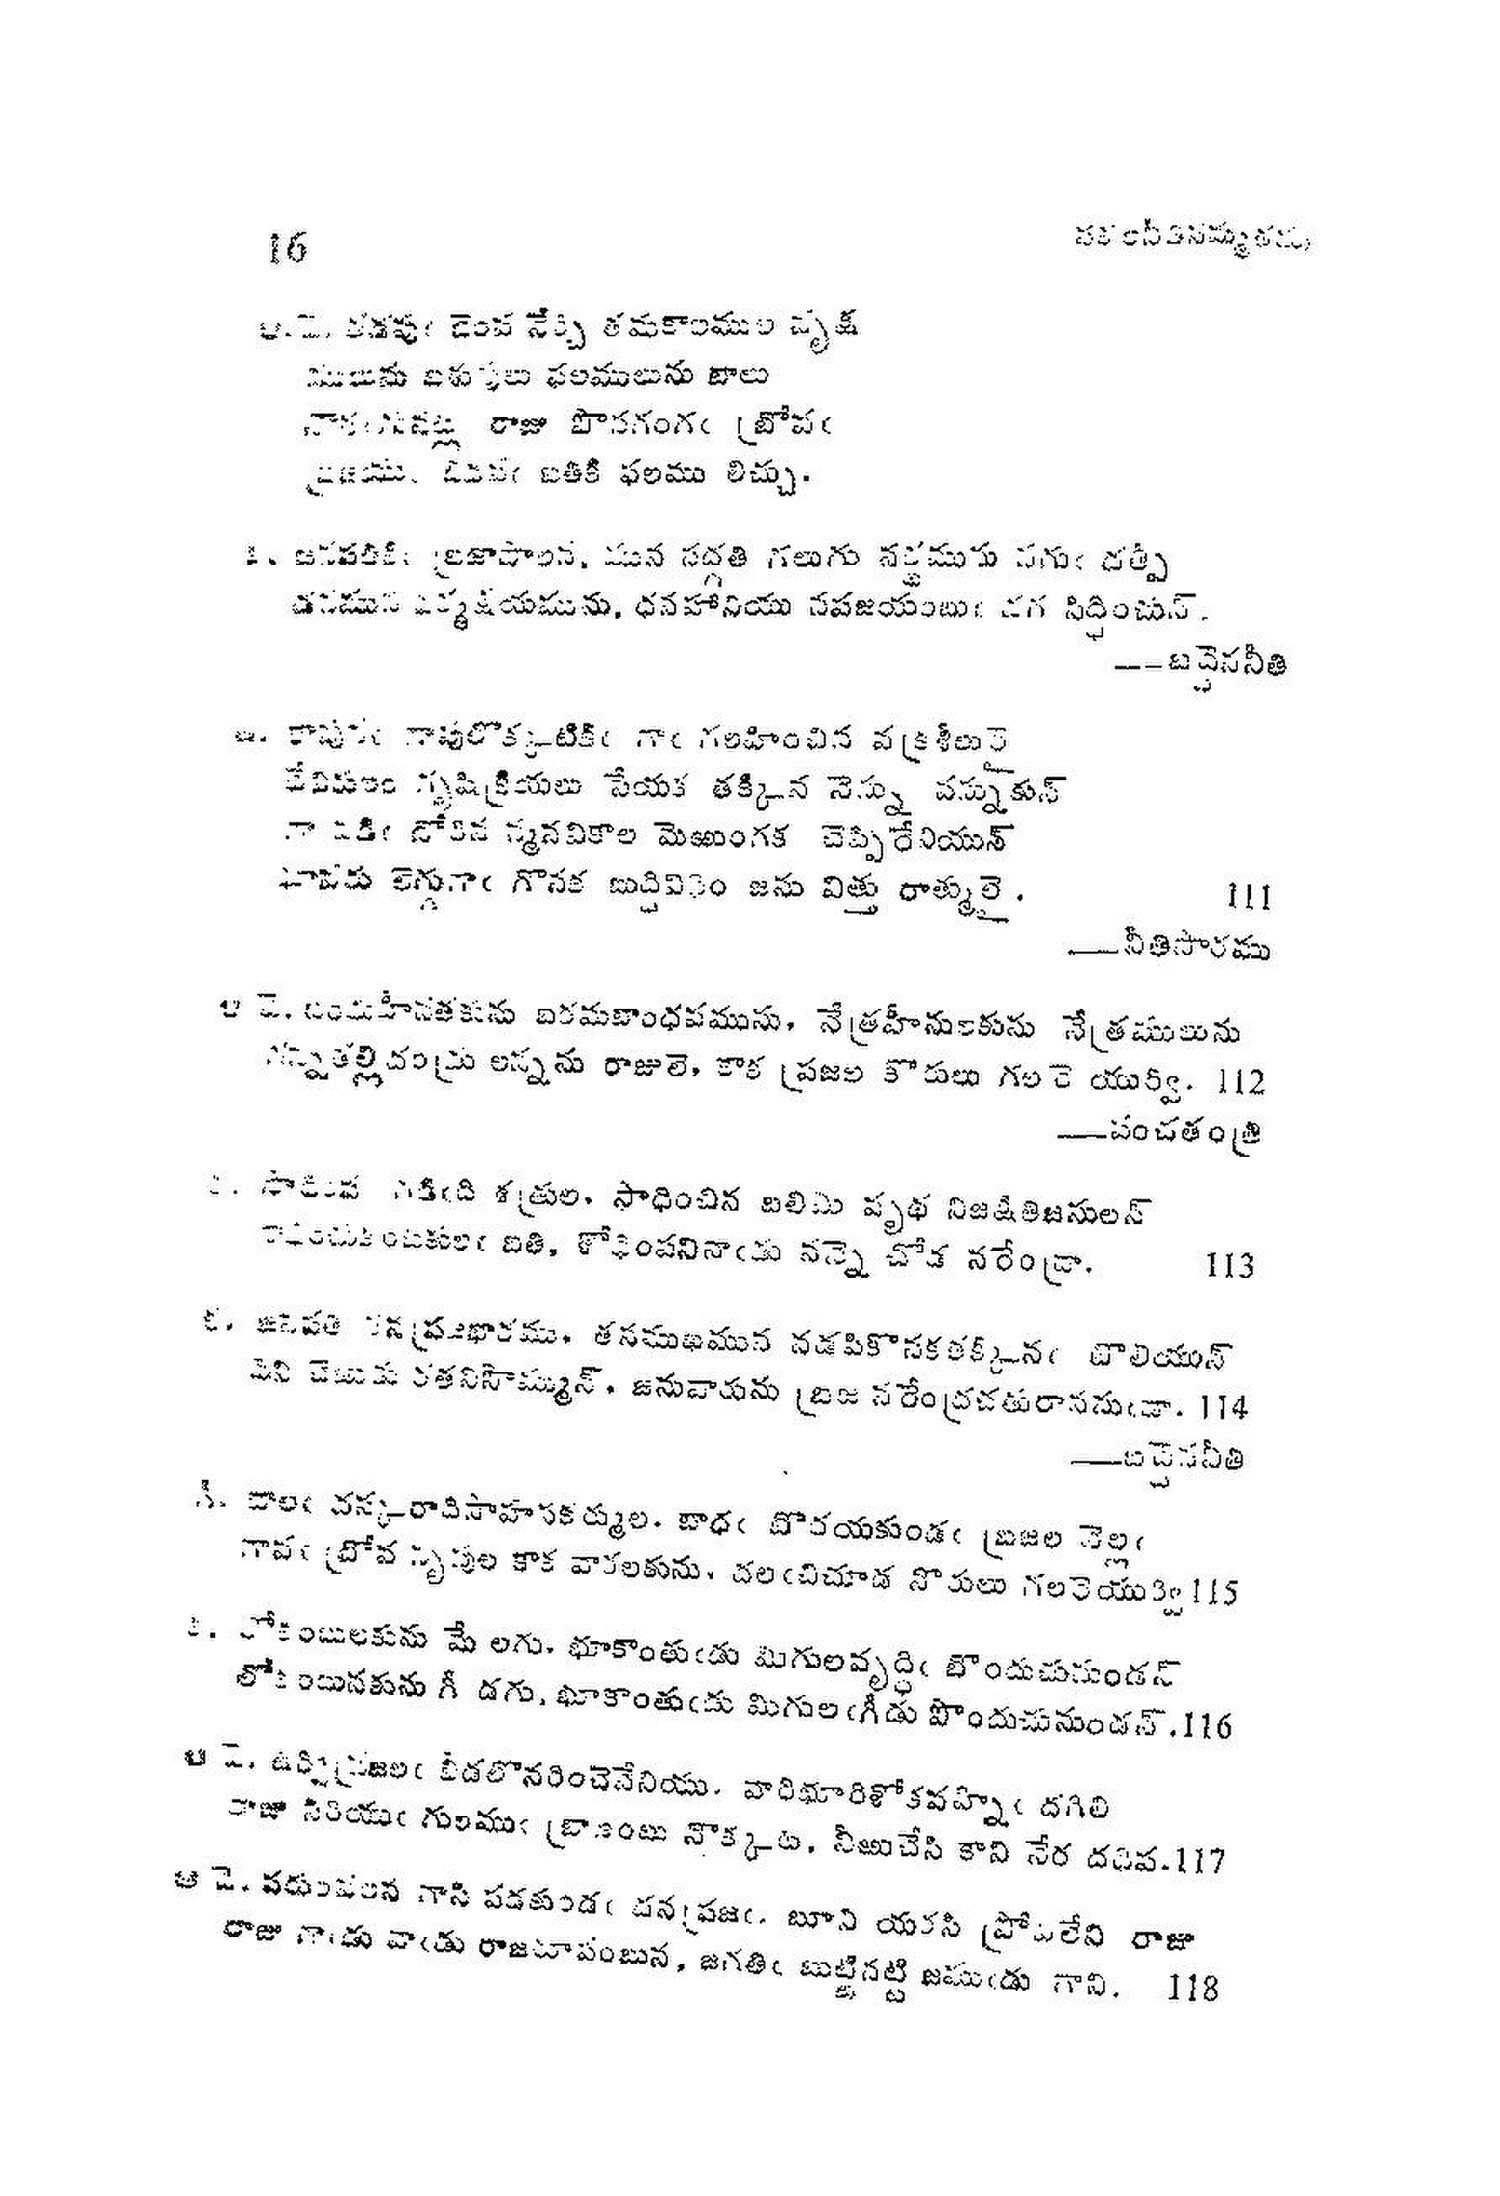ఆ. తడవుఁ బెంప నేర్చి తమకాలముల వృక్ష
ములును బశువులు ఫలములును బాలు
నొసఁగునట్ల రాజు పొసగంగఁ బ్రోవఁ
బ్రజయుఁ బిదపఁ బతికి ఫలము లిచ్చు. 109

క. జనపతికిఁ బ్రజాపాలన
మున సద్గతి గలుగు నర్థమును నగుఁ దత్పీ
డనమున ధర్మక్షయమును
ధనహానియు నపజయంబుఁ దగ సిద్ధించున్. 110

ఉ. కావునఁ గాపులొక్కటికిఁ గాఁ గలహించిన వక్రశీలురై
చేవిరులం గృషిక్రియలు సేయక తక్కిన నెన్ను పన్నుకున్
గా వడిఁ బోరిన న్మనవికాల మెఱుంగక చెప్పిరేనియున్
భూవరు లెగ్గుగాఁ గొనక బుద్ధివిధిం జను విత్తు రాత్ములై. 111

ఆ. బంధుహీనతకును బరమబాంధవమును
నేత్రహీనులకును నేత్రములును
గన్న తల్లిదండ్రు లన్నను రాజులె
కాక ప్రజల కొరులు గలరె యుర్వి. 112

క. సాధింపఁ గడిఁది శత్రుల
సాధించిన బలిమి వృథ నిజక్షితిజనులన్
బాధించకంటకులఁ బతి
శోధింపనినాఁడు నన్నెచోడనరేంద్రా. 113

క. జనపతి తనప్రజభారము
తనముఖమున నడపికొనక తక్కినఁ బొలియున్
దిని చెఱుతు రతనిసొమ్మున్
జనువారును బ్రజ నరేంద్ర చతురాననుఁడా. 114

గీ. చాలఁ దస్కరాదిసాహసకర్ముల
బాధఁ బొరయకుండఁ బ్రజల నెల్లఁ
గావఁ బ్రోవ నృపుల కాక వారలకును
దలఁచిచూడ నొరులు గలరె యుర్వి. 115

క. లోకంబులకును మే లగు
భూకాంతుఁడు మిగులవృద్ధిఁ బొందుచునుండన్
లోకంబునకు గీ డగు
భూకాంతుఁడు మిగులఁగీడు పొందుచునుండన్. 116

ఆ. ఉర్విప్రజలఁ బీడలొనరించెనేనియు
వారిభూరిశోకవహ్నిఁ దగిలి
రాజు సిరియుఁ గులముఁ బ్రాణంబు నొక్కట
నీఱుచేసి కాని నేర దధిప. 117

ఆ. పరులవలన గాసి పడకుండఁ దనప్రజఁ
బూని యరసి ప్రోవలేని రాజు
రాజు గాఁడు వాఁడు రాజరూపంబున
జగతిఁ బుట్టినట్టి జముఁడు గాని. 118